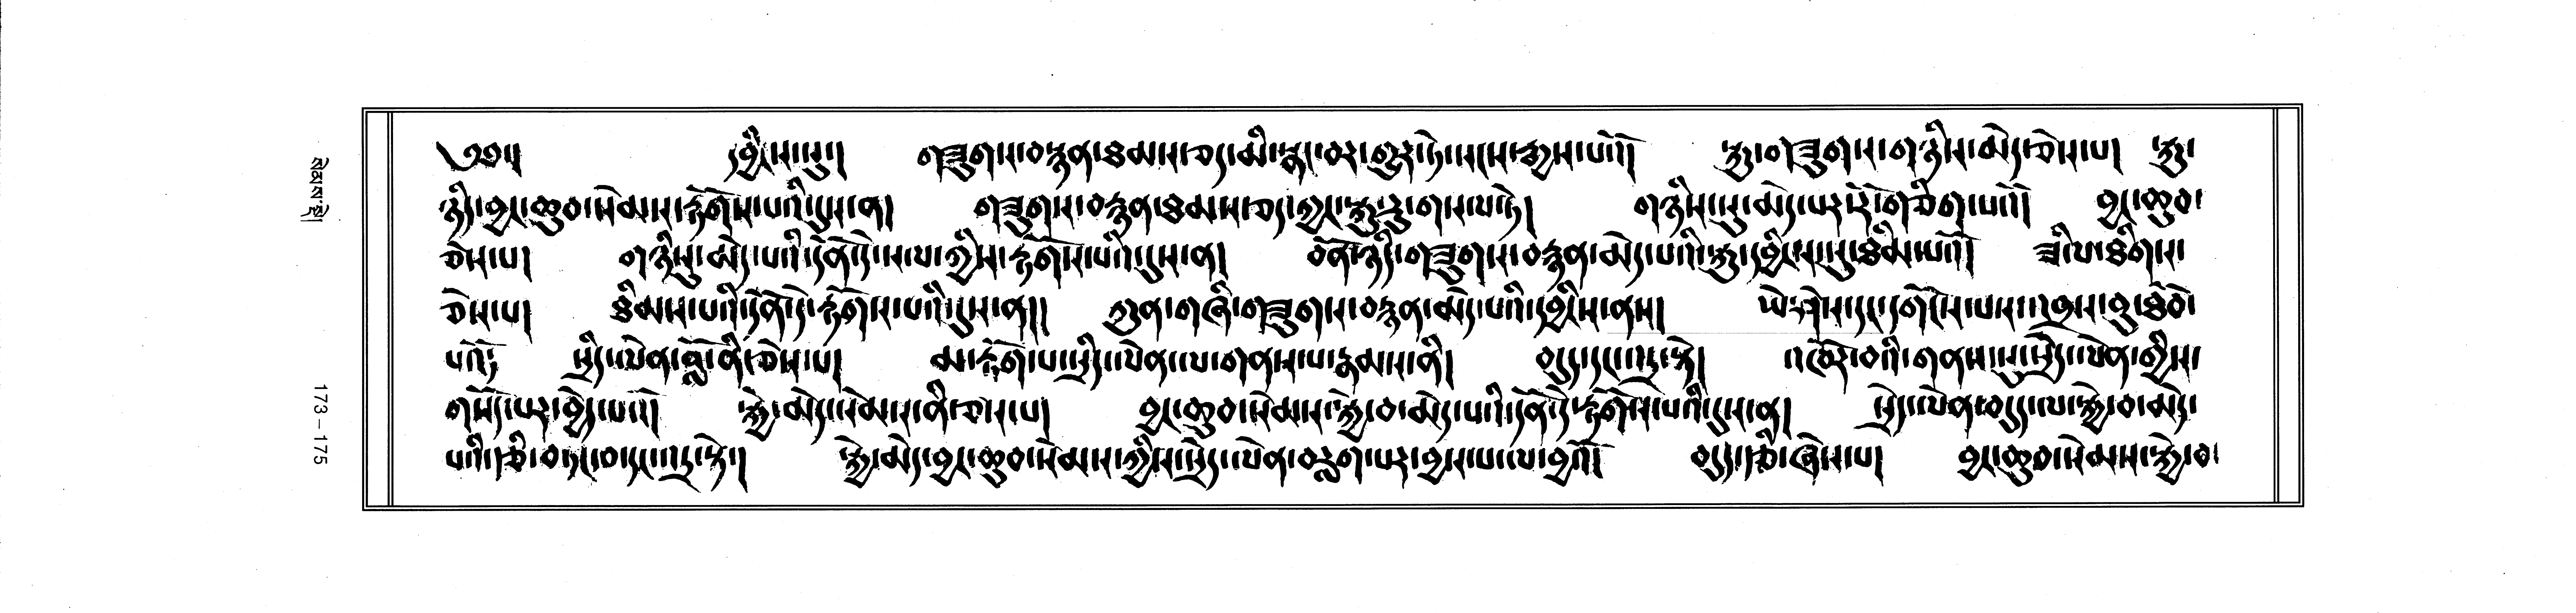དབྱིངས་སུ། གཟུགས་བརྙན་ཐམས་ཅད་མི་སྣང་བར་གྱུར་པ་ཏེ་སངས་རྒྱས་པའོ། །སྐུ་གཟུགས་གཉིས་མེད་ཅེས་པ། སྐུ་
ཉིད་བྱང་ཆུབ་སེམས་རྟོགས་པའི་དུས་ན། གཟུགས་བརྙན་ཐམས་ཅད་ཀྱང་སྐུ་རུ་གསལ་ཏེ། གཉིས་སུ་མེད་པ་རོ་གཅིག་པའོ། །བྱང་ཆུབ་
ཅེས་པ། གཉིས་སུ་མེད་པའི་དོན་དེ་སལ་གྱིས་རྟོགས་པའི་དུས་ན། བོན་ཉིད་གཟུགས་བརྙན་མེད་པའི་སྐུ་དབྱིངས་སུ་ཐིམ་པའོ། །ཟིལ་ཐིགས་
ཅེས་པ་ཐིམ་པའི་དོན་དེ་རྟོགས་པའི་དུས་ན། ཀུན་གཞི་གཟུགས་བརྙན་མེད་པའི་དབྱིངས་ནས་ཡེ་ཤེས་དང་དགོངས་པ་འབྲས་བུ་ཐོབ་
པའོ། །སྲེད་ལེན་བློ་ནི་ཅེས་པ། མ་རྟོགས་པ་སྲེད་ལེན་ལ་གནས་པ་རྣམས་ནི། བདུད་དང་འདྲ་སྟེ། འཁོར་བའི་གནས་སུ་སྲེད་ལེན་གྱིས་
གསོད་པར་བྱེད་པའོ། །སྐྱེ་མེད་སེམས་ནི་ཅེས་པ། བྱང་ཆུབ་སེམས་སྐྱེ་བ་མེད་པའི་དོན་དེ་རྟོགས་པའི་དུས་ན། སྲེད་ལེན་བདུད་ལ་སྐྱེ་བ་མེད་
པའི་རྩི་བཏང་བ་དང་འདྲ་སྟེ། སྐྱེ་མེད་བྱང་ཆུབ་སེམས་ཀྱིས་སྲེད་ལེན་བརླག་པར་བྱས་པ་ལ་བྱའོ། །བདུད་རྩི་ཞེས་པ་བྱང་ཆུབ་སེམས་སྐྱེ་བ་